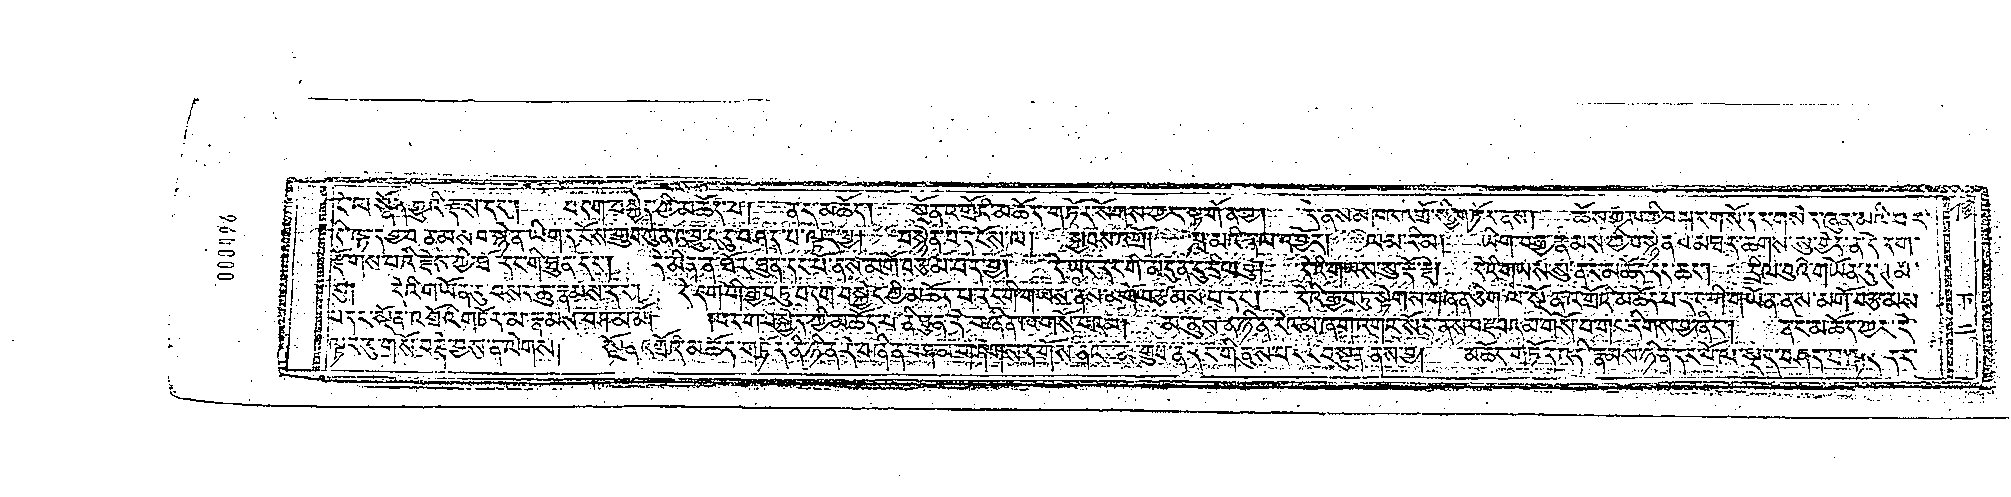དེ་ལ་སྣོན་རྒྱུའི་རྫས་དང་། བདག་བསྐྱེད་ཀྱི་མཆོད་པ། ནང་མཆོད། སྔོན་འགྲོའི་མཆོད་གཏོར་སོགས་ཀྱང་སྟ་གོན་བྱ། དེ་ནས་མཁའ་འགྲོ་སྤྱི་གཏོང་ནས། ཆོས་རྒྱལ་གྱི་བསྐང་གསོ་དང་གསེར་ཞུན་མའི་བར་
དེ་ལྟར་བྱ་བ་ནམས་བསྙེན་ཡིག་དངོས་གྲུབ་ཀུན་འབྱུང་དུ་བཤད་པ་ལྟར་བྱ། བསྙེན་པ་དངོས་ལ། སྐྱབས་འགྲོ། བླ་མའི་རྣལ་འབྱོར། ལམ་རིམ། ཡིག་བརྒྱ་རྣམས་ཀྱི་བསྙེན་པ་མཐར་ཆགས་སུ་བྱེད་ན་དེ་དག་
རྫོགས་པའི་རྗེས་ཀྱི་ཐོ་རང་གི་ཐུན་དང་། དེ་མིན་ན་ཐོར་ཐུན་དང་པོ་ནས་མགོ་བརྩམ་པར་བྱ། དེ་ཡང་རང་གི་མདུན་དུ་དྲིལ་བུ། དེའི་གཡས་སུ་རྡོ་རྗེ། དེའི་གཡས་སུ་ནང་མཆོད་དང་ཆང་། དྲིལ་བུའི་གཡོན་དུ་ཊམ་
དུ། དེའི་གཡོན་དུ་བསང་ཆུ་རྣམས་དང་། དེ་དག་གི་རྒྱབ་ཏུ་བདག་བསྐྱེད་ཀྱི་མཆོད་པ་རང་གི་གཡས་ནས་མགོ་བརྩམས་པ་དང་། དེའི་རྒྱབ་ཏུ་སྟེགས་གཞན་ཅིག་ལ་སྔོན་འགྲོའི་མཆོད་པ་རང་གི་གཡོན་ནས་མགོ་བརྩམས་
པ་དང་སྔོན་འགྲོའི་གཏོར་མ་རྣམས་བཤམ་མོ། །བདག་བསྐྱེད་ཀྱི་མཆོད་པ་ནི་ཐུན་རེ་བཞིན་ཁ་གསོ་བའམ། མ་ནུས་ན་ཉིན་རའམ་ཞག་འགའ་སོང་ནས་བརྗེ་བའམ་གསོ་བ་གང་རིགས་བྱ་ཞིང་། ནན་མཆོད་ཀྱང་དེ་
ལྟར་དུ་གསོ་བརྗེ་བྱས་ན་ལེགས། སྔོན་འགྲོའི་མཆོད་གཏོར་ནི་ཉིན་རེ་བཞིན་བཤམ་གཤེགས་དགོས་ནའང་མ་གྲུབ་ན་རང་གི་ནུས་པ་དང་བསྟུན་ནས་བྱ། མཆོད་གཏོར་འདི་རྣམས་ཉིན་དང་པོ་ལ་སྔར་བཤད་བ་ལྟར་རང་